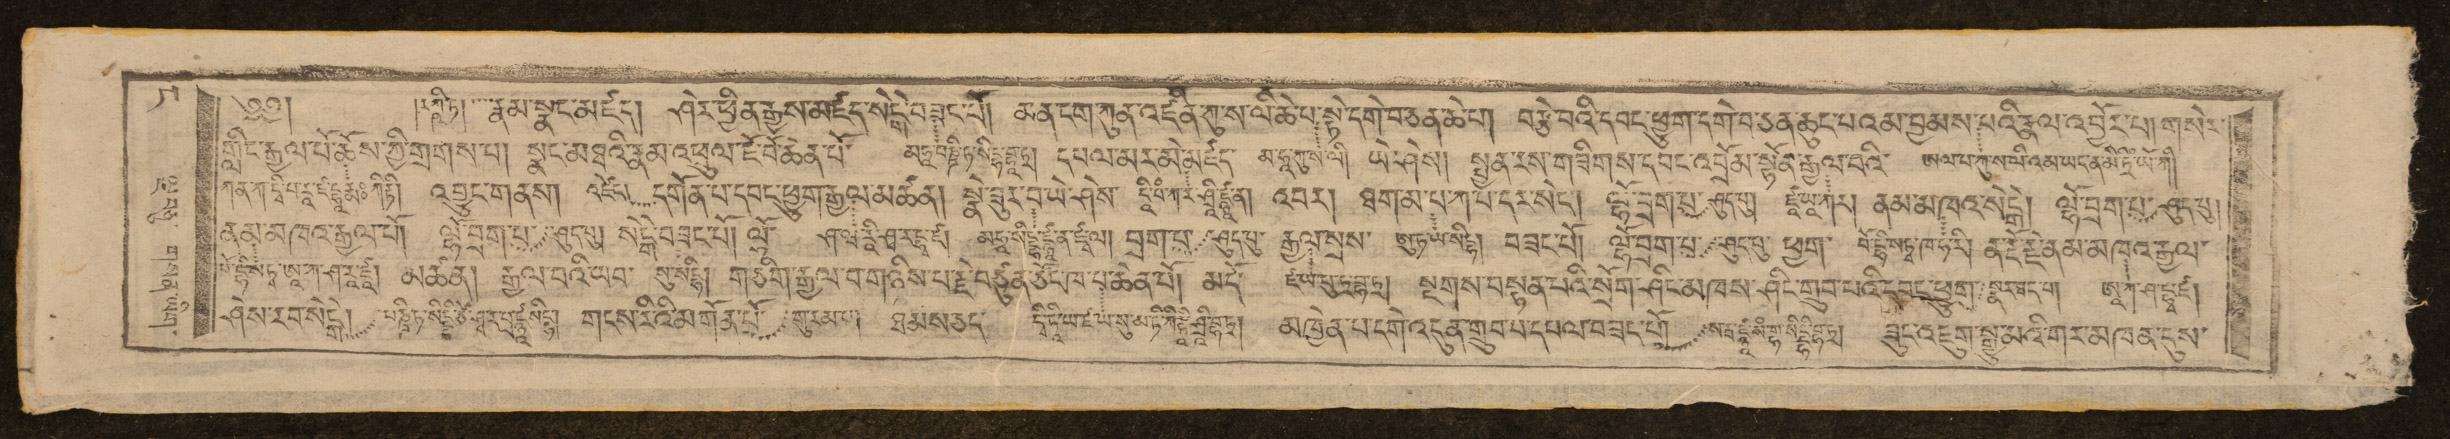༄༅། །རཀྵི་ཏ། རྣམ་སྣང་མཛད། ཤེར་ཕྱིན་རྒྱས་མཛད་སེངྒེ་བཟང་པོ། མན་ངག་ཀུན་འཛིན་ཀུ་ས་ལི་ཆེ་བ་སྟེ་དགེ་བ་ཅན་ཆེ་བ། བརྩེ་བའི་དབང་ཕྱུག་དགེ་བ་ཅན་ཆུང་བའམ་བྱམས་པའི་རྣལ་འབྱོར་པ། གསར་
གླིང་རྒྱལ་པོ་ཆོས་ཀྱི་གྲགས་པ། སྣང་མཐའི་རྣམ་འཕྲུལ་ཇོ་བོ་ཆེན་པོ་མཧཱ་པཎྜི་ཏ་སིདྡྷ་བྷཱ་ཏྲ། དཔལ་མར་མེ་མཛད་མཧཱ་ཀུ་ས་ལི། ཡེ་ཤེས། སྤྱན་རས་གཟིགས་དབང་འབྲོམ་སྟོན་རྒྱལ་བའི་ཨལ་པ་ཀུ་ས་ལིའམ་ཡང་ན་མཻ་ཏྲིཾ་ཡོ་ཀི།
ཀན་ཀ་དྭི་བ་རཱ་ཛ་དྷཱ་རྨཿཀིརྟི། འབྱུང་གནས། འཛེད། དགོན་པ་དབང་ཕྱུག་རྒྱལ་མཚན། སྣེ་ཟུར་བ་ཡེ་ཤེས་དཱི་བི་ཀ་ར་ཤྲཱི་ཛྙཱ་ན། འབར། ཐག་མ་པ་ཀ་པ་དར་སེང་། ལྷོ་བྲག་པ་ཤུད་པུ། ཛཱ་ཡཱ་ཀར། ནམ་མཁའ་སེངྒེ། ལྷོ་བྲག་པ་ཤུད་པུ་
ནམ་མཁའ་རྒྱལ་པོ། ལྷོ་བྲག་པ་ཤུད་པུ། སེངྒེ་བཟང་པོ། ལྷོ་ཤ་ཝ་རཱི་ཤྭ་ར་དྷཱ་ཛ། མཧཱ་སིདྡྷི་ཛྙཱ་ན་ཛྭ་ལ། བྲག་པ་ཤུད་པུ་རྒྱལ་སྲས་ཨུཏ་ཡ་སིདྷ། བཟང་པོ། ལྷོ་བྲག་པ་ཤུད་པུ་ཕྱག་བོ་དྷི་སཏྭ་ཁ་ཧ་རི། ན་རྡོ་རྗེ་ནམ་མཁའ་རྒྱལ་
པོ་དྷི་སཏྭ་ཨཱ་ཀ་ཤ་རཱ་ཛཱ། མཚན། རྒྱལ་པའི་ཡབ་སུ་སདྷི། གཅིག་རྒྱལ་བ་གཉིས་པ་རྗེ་བཙུན་ཙོང་ཁ་པ་ཆེན་པོ། མདོ་ཛ་ཡ་པུ་ཏྲ་བྷ་ཏྲ། སྔགས་བསྟན་པའི་སྲོག་ཤིང་མཁས་ཤིང་གྲུབ་པའི་དབང་ཕྱུག་རྣར་ཐད་པ། ཨཱ་ཀ་ཤ་དྷྭ་ཛ།
ཤེས་རབ་སེངྒེ། པཎྜི་ཏ་སིདྡྷི་ཙེ་ཤྭར་པྲཛྙཱ་སིདྷ། གངས་རིའི་མགོན་པོ་གུ་རམ་པ། ཐམས་ཅད་དྭི་ཏཱི་ཡ་ཛ་ཡ་སུ་མ་ཏི་ཀིརྟཱི་ཤྲཱི་བྷ་ཏྲ། མཁྱེན་པ་དགེ་འདུན་གྲུབ་པ་དཔལ་བཟང་པོ། སརྦ་ཛྙཱ་སཾ་བྷ་སིདྡྷི་ཌྷ་ཏྲ། ཟུང་འཇུག་སྒྱུ་མའི་གར་མཁན་དུས་